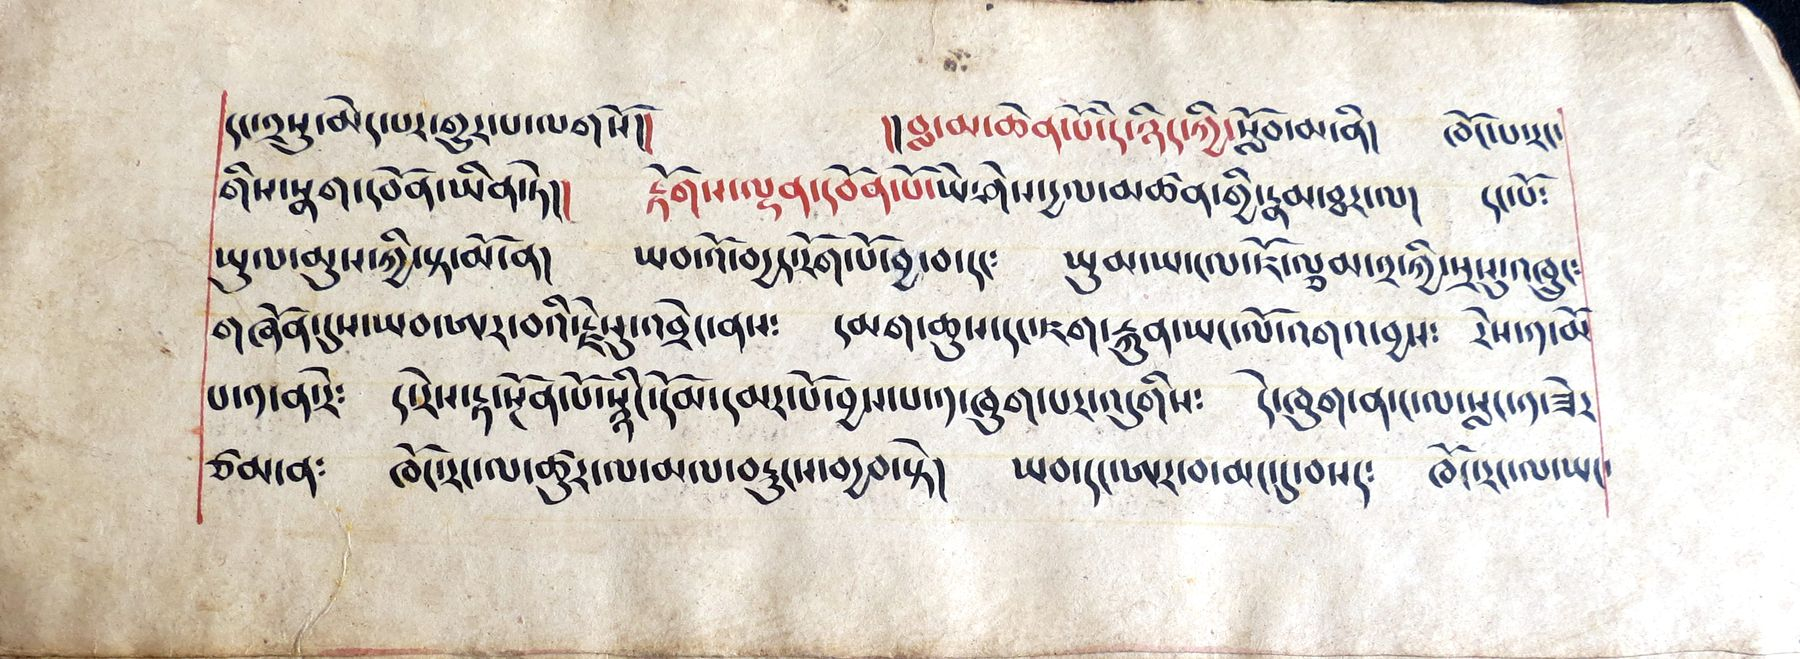དང་གཉིས་སུ་མེད་པར་གྱུར་པ་ལགས་སོ། །བླ་མ་ཆེན་པོ་དེ་ཉིད་ཀྱི་སློབ་མ་ནི། ཁོང་པ་རང་
གི་སྣག་དབོན་ཡིན་ཏེ། རྟོགས་ལྡན་དབོན་པོ་ཡེ་ཤེས་རྒྱལ་མཚན་གྱི་རྣམ་ཐར་ལ་ལྔ། དང་པོ་
ཡུལ་མུས་ཀྱི་སྟ་མོ་ན། ཡབ་འོ་བརྒྱད་རོག་པོ་དང་། ཡུམ་ཡ་ངལ་ཇོ་ལྕམ་གཉིས་ཀྱི་སྲས་སུ་འཁྲུངས། 
གཞོན་དུས་ཡབ་ཨར་བའི་རྗེས་སུ་འབྲེང་ནས། དམག་ཆུས་དང་ཇག་རྐུན་ཀྱང་ལོ་འགར་བྱས། རེས་ཤིག་མོ་
པ་ཅིག་ན་རེ། ད་རེས་རྟ་སྔོན་པོ་སྙིང་དོམ་དམར་པོ་བྱས་པ་ཅིག་ཁུགས་པར་འདུག་གིས། དེ་ཁུག་ནས་ང་ལ་བསླང་ཅིག་ཟེར་
ཙམ་ན། ཁོང་རང་ལ་ཚུར་ལ་མལ་མདུང་རྒྱབ་སྟེ། ཡབ་དང་ཨར་བ་མང་དུ་བསད། ཁོང་རང་ལ་ཡང་